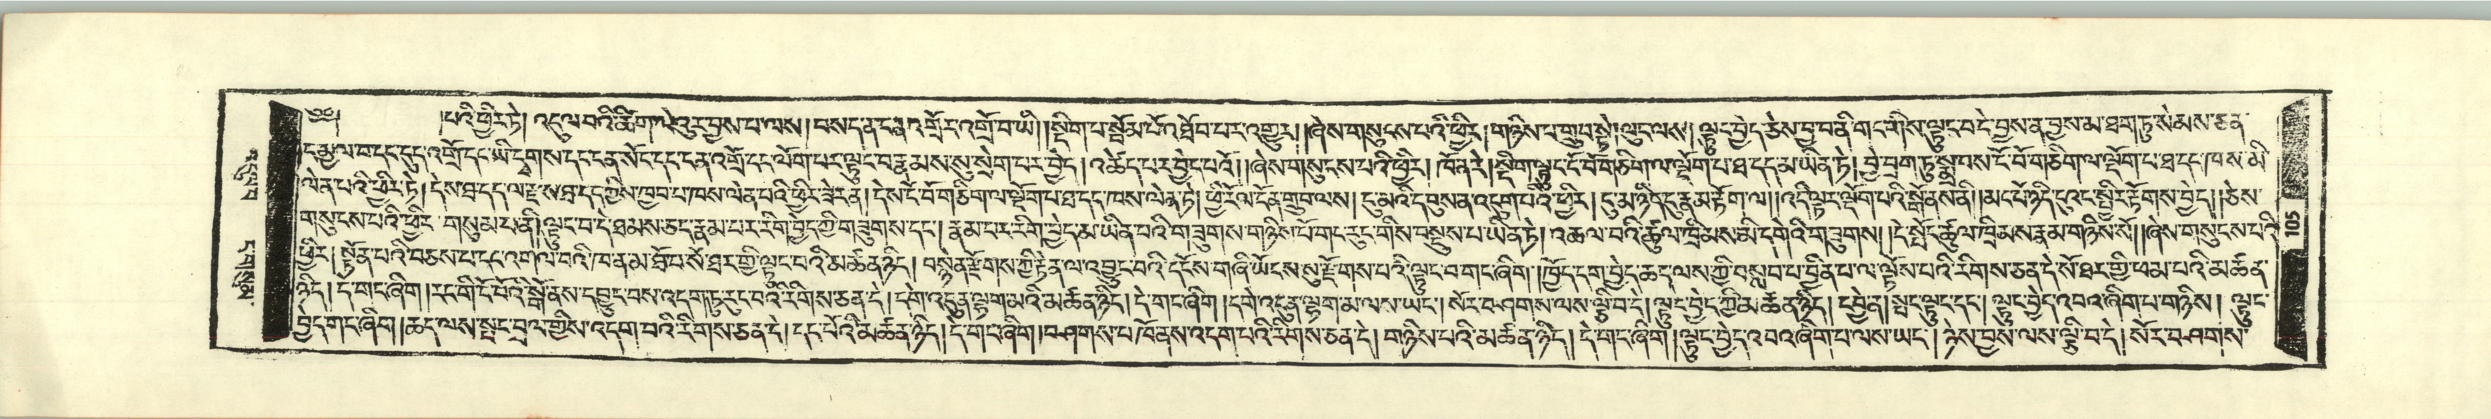༄༅། །པའི་ཕྱིར་ཏེ། འདུལ་བའི་ཚིག་ལེའུར་བྱས་པ་ལས། བསད་ན་ངན་འགྲོར་འགྲོ་བ་ཡི། །སྡིག་པ་སྤོམ་པོ་འཐོབ་པར་འགྱུར། །ཞེས་གསུངས་པའི་ཕྱིར། གཉིས་པ་གྲུབ་སྟེ། ལུང་ལས། ལྟུང་བྱེད་ཅེས་བྱ་བ་ནི་གང་གིས་ལྟུང་བ་དེ་བྱས་ན་བྱས་མ་ཐག་ཏུ་སེམས་ཅན་
དམྱལ་བ་དང་དུད་འགྲོ་དང་ཡི་དྭགས་དང་ངན་སོང་དང་ངན་འགྲོ་དང་ལོག་པར་ལྟུང་བ་རྣམས་སུ་སྲེག་པར་བྱེད། འཚེད་པར་བྱེད་པའོ། །ཞེས་གསུངས་པའི་ཕྱིར། ཁོ་ན་རེ། སྡིག་ལྟུང་ངོ་བོ་གཅིག་ལ་ལྡོག་པ་ཐ་དད་མ་ཡིན་ཏེ། བྱེ་བྲག་ཏུ་སྨྲ་བས་ངོ་བོ་གཅིག་ལ་ལྡོག་པ་ཐ་དང་ཁས་མི་
ལེན་པའི་ཕྱིར་ཏེ། དེས་ཐ་དད་ལ་རྫས་ཐ་དད་ཀྱིས་ཁྱབ་པ་ཁས་ལེན་པའི་ཕྱིར་ཟེར་ན། དེས་ངོ་བོ་གཅིག་ལ་ལྡོག་པ་ཐ་དད་ཁས་ལེན་ཏེ། ཕྱི་རོལ་དོན་གྲུབ་ལས། དུ་མའི་དབུས་ན་འདུག་པའི་ཕྱིར། དུ་མ་ཉིད་དུ་རྣམ་རྟོག་ལ། །འདི་ལྟར་ལྡོག་པའི་སྒོ་ནས་ནི། །མང་པོ་ཉིད་དུའང་སྤྱིར་རྟོགས་བྱེད། །ཅེས་
གསུངས་པའི་ཕྱིར་གསུམ་པ་ནི། ལྟུང་བ་དེ་ཐམས་ཅད་རྣམ་པར་རིག་བྱེད་ཀྱི་གཟུགས་དང་། རྣམ་པར་རིག་བྱེད་མ་ཡིན་པའི་གཟུགས་གཉིས་པོ་གང་རུང་གིས་བསྡུས་པ་ཡིན་ཏེ། འཆལ་བའི་ཚུལ་ཁྲིམས་མི་དགེའི་གཟུགས། །དེ་སྤོང་ཚུལ་ཁྲིམས་རྣམ་གཉིས་སོ། །ཞེས་གསུངས་པའི་
ཕྱིར། སྟོན་པའི་བཅས་པ་དང་འགལ་བའི་ཁ་ན་མ་ཐོབ་སོ་ཐར་གྱི་ལྟུང་བའི་མཚན་ཉིད། བསྙེན་རྫོགས་ཀྱི་རྟེན་ལ་འབྱུང་བའི་དངོས་གཞི་ཡོངས་སུ་རྫོགས་པའི་ལྟུང་བ་གང་ཞིག །ཁྱོད་དག་བྱེད་ཆད་ལས་ཀྱི་བསླབ་པ་བྱིན་པ་ལ་ལྟོས་པའི་རིགས་ཅན་དེ་སོ་ཐར་གྱི་ཕམ་པའི་མཚན་
ཉིད། དེ་གང་ཞིག །རང་གི་ངོ་བོའི་སྒོ་ནས་དབྱུང་བས་འདག་ཏུ་རུང་བའི་རིགས་ཅན་དེ། དགེ་འདུན་ལྷག་མའི་མཚན་ཉིད། དེ་གང་ཞིག །དགེ་འདུན་ལྷག་མ་ལས་ཡང་། སོར་བཤགས་ལས་ལྕི་བ་དེ། ལྟུང་བྱེད་ཀྱི་མཚན་ཉིད། དབྱེ་ན། སྤང་ལྟུང་དང་། ལྟུང་བྱེད་འབའ་ཞིག་པ་གཉིས། ལྟུང་
བྱེད་གང་ཞིག །ཆད་ལས་སྤང་བྲལ་གྱིས་འདག་བའི་རིགས་ཅན་དེ། དང་པོའི་མཚན་ཉིད། དེ་གང་ཞིག །བཤགས་པ་ཁོ་ནས་འདག་པའི་རིགས་ཅན་དེ། གཉིས་པའི་མཚན་ཉིད། དེ་གང་ཞིག །ལྟུང་བྱེད་འབའ་ཞིག་པ་ལས་ཡང་། ཉེས་བྱས་ལས་ལྕི་བ་དེ། སོར་བཤགས་